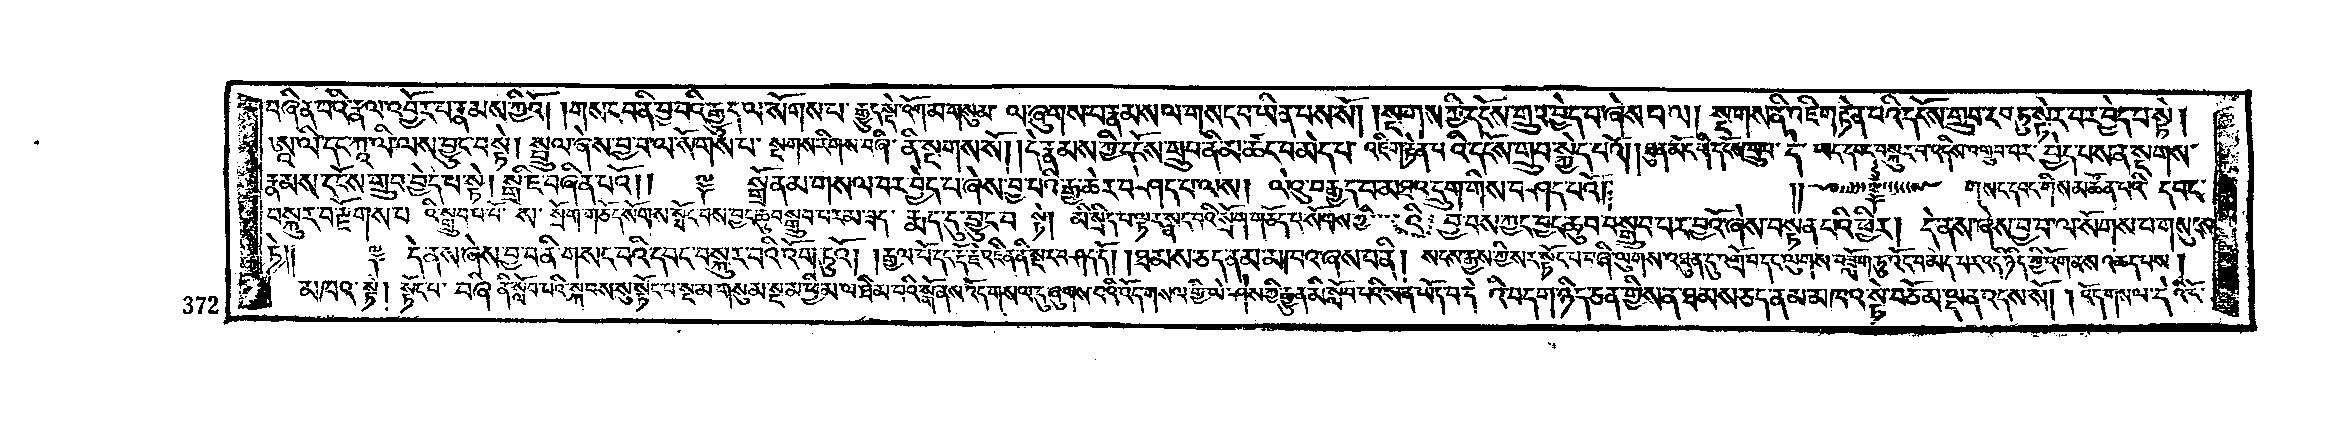བཞིན་པའི་རྣལ་འབྱོར་པ་རྣམས་ཀྱིའོ། །གསང་བ་ནི་བྱ་བའི་རྒྱུད་ལ་སོགས་པ་རྒྱུད་སྡེ་འོག་མ་གསུམ་ལ་ཞུགས་པ་རྣམས་ལ་གསང་བ་ཡིན་པས་སོ། །སྔགས་ཀྱི་དངོས་གྲུབ་བྱེད་པ་ཞེས་པ་ལ། སྔགས་ནི་འཇིག་རྟེན་པའི་དངོས་གྲུབ་རབ་ཏུ་སྟེར་བར་བྱེད་པ་སྟེ།
ཨཱ་ལི་དང་ཀཱ་ལི་ལས་བྱུང་བ་སྟེ། སྤྲུལ་ཞེས་བྱ་བ་ལ་སོགས་པ་སྔགས་རིགས་བཞི་ནི་སྔགས་སོ། །དེ་རྣམས་ཀྱི་དངོས་གྲུབ་ནི་མ་ཚང་བ་མེད་པ་འཇིག་རྟེན་པའི་དངོས་གྲུབ་སྐྱེད་པའོ། ། ཐུན་མོང་གི་དངོས་གྲུབ་དེ་ཡང་དབང་བསྐུར་བ་འདིས་འགྲུབ་པར་བྱེད་པས་ན་སྔགས་
རྣམས་དངོས་གྲུབ་བྱེད་པ་སྟེ། སྒྲ་ཇི་བཞིན་པའོ།། ༈ སྒྲོན་མ་གསལ་བར་བྱེད་པ་ཞེས་བྱ་བའི་རྒྱ་ཆེར་བཤད་པ་ལས། ལེའུ་བརྒྱད་པ་མཐའ་དྲུག་གིས་བཤད་པའོ།། །། ༈ གསང་དབང་གིས་མཚོན་པའི་དབང་
བསྐུར་བ་རྫོགས་པའི་སྒྲུབ་པ་པོས་སྲོག་གཅོད་སོགས་སྤོང་བས་བྱང་ཆུབ་སྒྲུབ་པར་མ་ཟད་རྨད་དུ་བྱུང་བ་སྟེ། མི་སྲིད་པ་ལྟར་སྣང་བའི་སྲོག་གཅོད་པ་སོགས་ཀྱི་འི་བྱ་བས་ཀྱང་བྱང་ཆུབ་བསྒྲུབ་པར་བྱའོ་ཞེས་བསྟན་པའི་ཕྱིར། དེ་ནས་ཞེས་བྱ་བ་ལ་སོགས་པ་གསུངས་
ཏེ།། ༈ དེ་ནས་ཞེས་བྱ་བ་ནི་གསང་བའི་དབང་བསྐུར་བའི་འོག་ཏུའོ། ། རྒྱལ་པོ་དང་རྡོ་རྗེ་འཛིན་ནི་སྔར་བཤད་དོ། །ཐམས་ཅད་ནམ་མཁའ་ཞེས་པ་ནི། སངས་རྒྱས་ཀྱི་སར་སྟོང་པ་བཞི་ལུགས་འཐུན་དུ་འགྲོ་བ་དང་ལུགས་བཟློག་ཏུ་འོང་བ་མེད་པར་འདི་ཉིད་ཀྱི་འོག་ནས་འཆད་པས།
ནམ་མཁའ་སྟེ། སྟོང་པ་བཞི་ནི་སློབ་པའི་སྐབས་སུ་སྟོང་པ་སྔ་མ་གསུམ་སྔ་མ་ཕྱི་མ་ལ་ཐིམ་པའི་སྒོ་ནས་འོད་གསལ་དུ་ཞུགས་པའི་འོད་གསལ་གྱི་ཡེ་ཤེས་ཀྱི་རྒྱུན་མི་སློབ་པའི་ས་ན་ཡོད་པ་དེའི་བདག་ཉིད་ཅན་གྱིས་ན་ཐམས་ཅད་ནམ་མཁའ་སྟེ་བཅོམ་ལྡན་སྰྡས་སོ། ། འོད་གསལ་དེའི་ངོ་